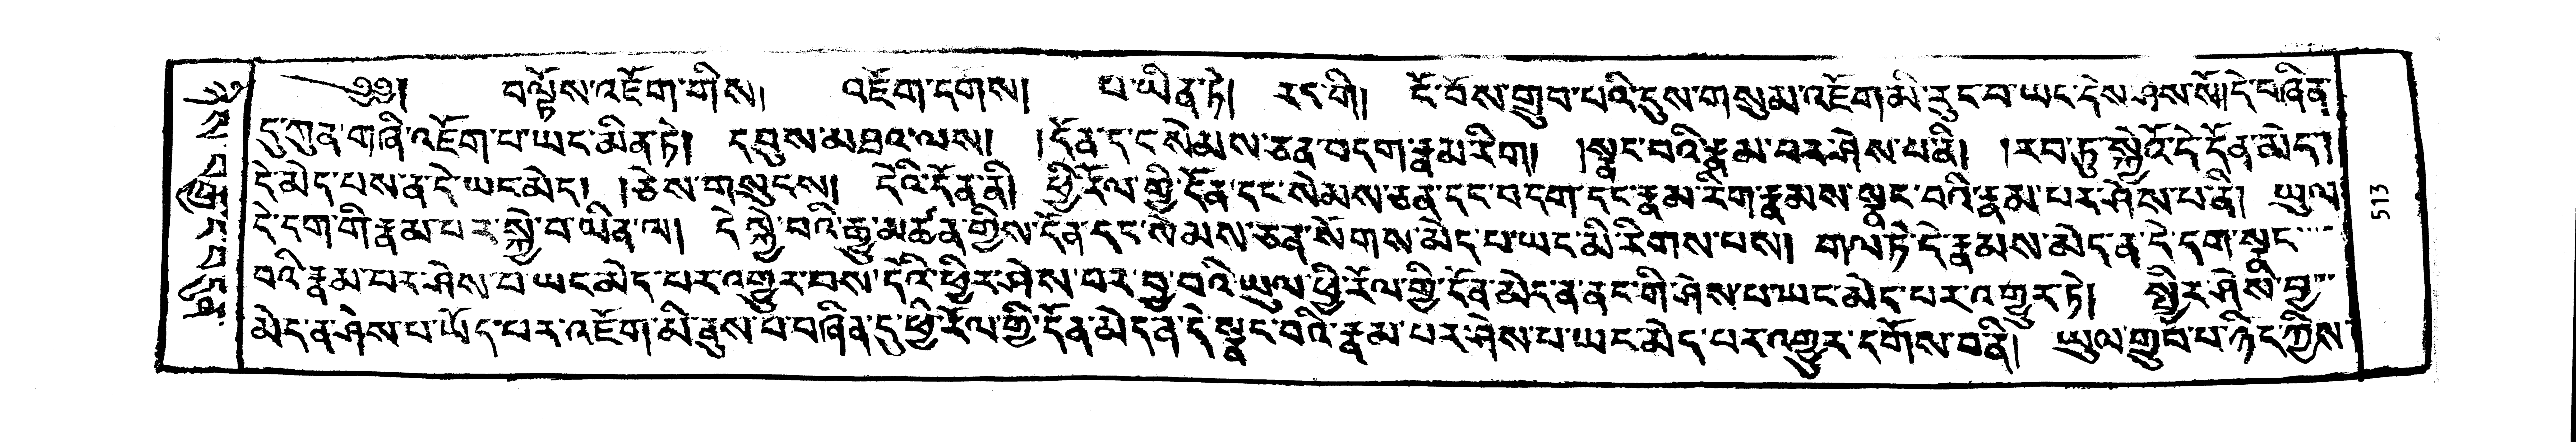༄༅། །བལྟོས་འཇོག་གིས། འཇོག་དགོས། པ་ཡིན་ཏེ། རང་གི། ངོ་བོས་གྲུབ་པའི་དུས་གསུམ་འཇོག་མི་རུང་བ་ཡང་དེས་ཤས་སོ། དེ་བཞིན་
དུ་ཀུན་གཞི་འཇོག་པ་ཡང་མིན་ཏེ། དབུས་མཐའ་ལས། །དོན་དང་སེམས་ཅན་བདག་རྣམ་རིག། །སྣང་བའི་རྣམ་པར་ཤེས་པ་ནི། །རབ་ཏུ་སྐྱེའོ་དེ་དོན་མེད།
དེ་མེད་པས་ན་དེ་ཡང་མེད། །ཅེས་གསུངས། དེའི་དོན་ནི། ཕྱི་རོལ་གྱི་དོན་དང་སེམས་ཅན་དང་བདག་དང་རྣམ་རིག་རྣམས་སྣང་བའི་རྣམ་པར་ཤེས་པ་ནི། ཡུལ་
དེ་དག་གི་རྣམ་པར་སྐྱེ་བ་ཡིན་ལ། དེ་སྐྱེ་བའི་རྒྱུ་མཚན་གྱིས་དོན་དང་སེམས་ཅན་སོགས་མེད་པ་ཡང་མི་རིགས་པས། གལ་ཏེ་དེ་རྣམས་མེད་ན་དེ་དག་སྣང་
བའི་རྣམ་པར་ཤེས་པ་ཡང་མེད་པར་འགྱུར་བས་དེའི་ཕྱིར་ཤེས་བར་བྱ་བའི་ཡུལ་ཕྱི་རོལ་གྱི་དོན་མེད་ན་ནང་གི་ཤེས་པ་ཡང་མེད་པར་འགྱུར་ཏེ། སྤྱིར་ཤེས་བྱ་
མེད་ན་ཤེས་པ་ཡོད་པར་འཇོག་མི་ནུས་པ་བཞིན་དུ་ཕྱི་རོལ་གྱི་དོན་མེད་ན་དེ་སྣང་བའི་རྣམ་པར་ཤེས་པ་ཡང་མེད་པར་འགྱུར་དགོས་བ་ནི། ཡུལ་གྲུབ་པ་ཉིད་ཀྱིས་